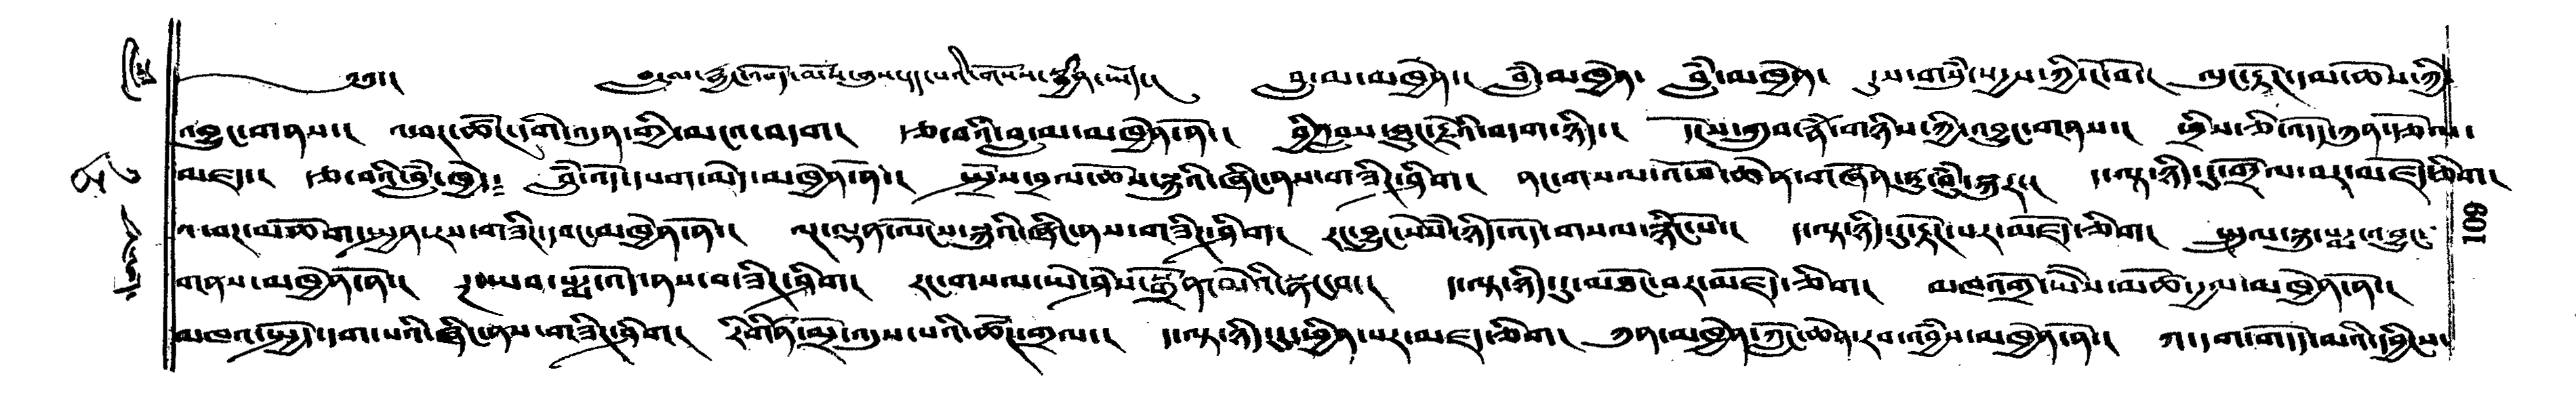བླ་མ་རྒྱང་འབོད་མོས་གུས་དད་པའི་གསོས་སྦྱིན་ཡོད། བླ་མ་མཁྱེན། བླ་མ་མཁྱེན། བླ་མ་མཁྱེན། དུས་གསུམ་སངས་རྒྱས་ཀྱི་ངོ་བོ། །ལུང་རྟོགས་དམ་ཆོས་ཀྱི་
འབྱུང་གནས། །འཕགས་ཚོགས་དགེ་འདུན་གྱི་མངའ་བདག །རྩ་བའི་བླ་མ་མཁྱེན་ནོ། །བྱིན་རླབས་ཐུགས་རྗེའི་བདག་ཉིད། །དངོས་གྲུབ་རྣམ་གཉིས་ཀྱི་འབྱུང་གནས། །ཕྲིན་ལས་ཅི་འདོད་ཀུན་སྩོལ་
མཛད། །རྩ་བའི་བླ་མ་ཁྱེད་མཁྱེན་ནོ། །བླ་མ་འོད་དཔག་མེད་མཁྱེན་ནོ། །སྤྲོས་བྲལ་ཆོས་སྐུའི་ཞིང་ནས་གཟིགས་ཤིག །ནང་གསལ་འཕོ་ཆེན་གཞོན་ནུ་བུམ་སྐུར། །ད་ལྟ་ཉིད་དུ་གྲོལ་བར་མཛོད་ཅིག །
འཕགས་མཆོག་སྤྱན་རས་གཟིགས་དབང་མཁྱེན་ནོ། །ལྔ་ལྡན་ལོངས་སྐུའི་ཞིང་ནས་གཟིགས་ཤིག །རང་བྱུང་སེམས་ཉིད་འོད་གསལ་སྙིང་པོ། །ད་ལྟ་ཉིད་དུ་རྟོགས་པར་མཛོད་ཅིག །སྤྲུལ་སྐུ་པདྨ་འབྱུང་
གནས་མཁྱེན་ནོ། །རྔ་ཡབ་པདྨ་འོད་ནས་གཟིགས་ཤིག །རང་གསལ་ཡེ་ཤེས་སྒྲོན་མེའི་སྣང་བ། །ད་ལྟ་ཉིད་དུ་མཐོང་བར་མཛོད་ཅིག །མཁའ་འགྲོ་ཡེ་ཤེས་མཚོ་རྒྱལ་མཁྱེན་ནོ། །
མཁའ་སྤྱོད་དག་པའི་ཞིང་ནས་གཟིགས་ཤིག །རིག་འཛིན་མཁའ་འགྲོ་འདུས་པའྀ་ཚོགས་གྲལ། །ད་ལྟ་ཉིད་དུ་ཕྱིན་པར་མཛོད་ཅིག །ཀུན་མཁྱེན་ཀློང་ཆེན་རབ་འབྱམས་མཁྱེན་ནོ། །ཀ་དག་གདོད་མའི་དབྱིངས་